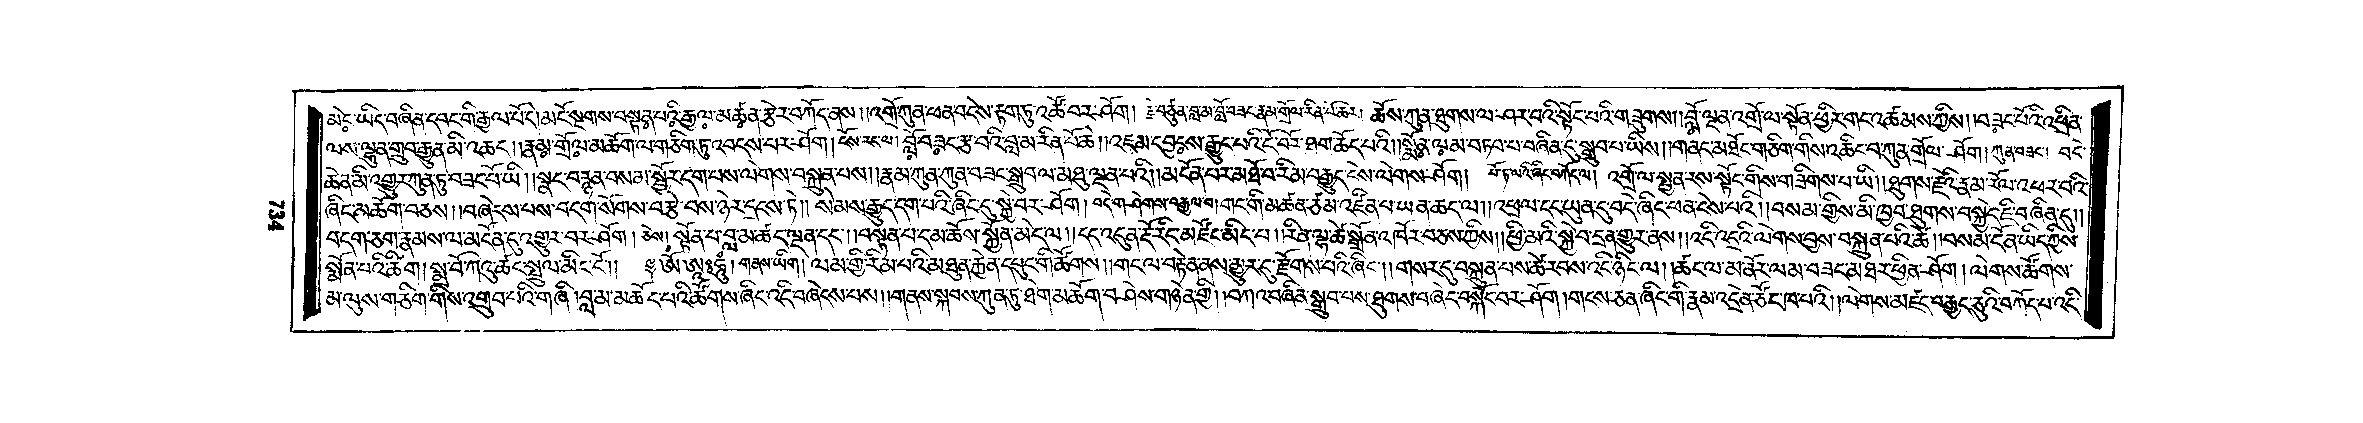མེད་ཡིད་བཞིན་དབང་གི་རྒྱལ་པོ་དེ། མདོ་སྔགས་བསྟན་པའི་རྒྱལ་མཚན་རྩེར་བཀོད་ནས། །འགྲོ་ཀུན་ཕན་བདེས་རྟག་ཏུ་འཚོ་བར་ཤོག །རྗེ་བཙུན་བླ་མ་བློ་བཟང་རྣམ་གྲོལ་རིན་པོ་ཆེར། ཆོས་ཀུན་ཐུགས་ལ་ཤར་བའི་སྟོང་པའི་གཟུགས། །བློ་ལྡན་འགྲོ་ལ་སྟོན་ཕྱིར་གང་འཚམས་ཀྱིས། །བཟང་པོའི་འཕྲིན་
ལས་ལྷུན་གྲུབ་རྒྱུན་མི་འཆད། །རྣམ་གྲོལ་མཆོག་ལ་གཅིག་ཏུ་འབངས་པར་ཤོག །ངོས་རང་ལ། བློ་བཟང་རྩ་བའི་བླ་མ་རིན་པོ་ཆེ། །འཇམ་དབྱངས་རྒྱུད་པའི་ངོ་བོར་ཐག་ཆོད་པའི། །སྨོན་ལམ་བཏབ་པ་བཞིན་དུ་སྒྲུབ་པ་ཡིས། །གནད་མཐོང་གཅིག་གིས་འཆིང་བ་ཀུན་གྲོལ་ཤོག །ཀུན་བཟང་། བདེ་
ཆེན་མི་འགྱུར་ཀུན་ཏུ་བཟང་པོ་ཡི། །སྣང་བརྙན་བསམ་སྦྱོར་དག་པས་ལེགས་བསྐྲུན་པས། །རྣམ་ཀུན་ཀུན་བཟང་སྒྲུབ་ལ་མཐུ་ལྡན་པའི། །མངོན་པར་མཐོ་བ་རིམ་བརྒྱུད་ངེས་ལེགས་ཤོག །པོ་ཏ་ལའི་ཞིང་བཀོད་ལ། འགྲོ་ལ་སྤྱན་རས་སྟོང་གིས་གཟིགས་པ་ཡི། །ཐུགས་རྗེའི་རྣམ་རོལ་འཕར་བའི་
ཞིང་མཆོག་བཅས། །བཞེངས་པས་བདག་སོགས་བརྩེ་བས་ཉེར་དྲངས་ཏེ། །སེམས་རྒྱུད་དག་པའི་ཞིང་དུ་སྐྱེ་བར་ཤོག །བདེ་གཤེགས་བརྒྱལ་བ། གང་གི་མཚན་ཙམ་འཛིན་པ་ཡན་ཆད་ལ། །འཕྲལ་དང་ཡུན་དུ་བདེ་ཞིང་ཕན་ངེས་པའི། །བསམ་གྱིས་མི་ཁྱབ་ཐུགས་བསྐྱེད་ཇི་བཞིན་དུ། །
བདག་ཅག་རྣམས་ལ་མངོན་དུ་འགྱུར་བར་ཤོག །ཅེས། སྟོན་པ་བླ་མ་ཚད་ལྡན་དང་། །བསྟན་པ་དམ་ཆོས་སྐྱོན་མེད་ལ། །དད་འདུན་རྡོ་རིང་མཛོད་མིང་པ། །རིན་ལྷ་ཚེ་སྒྲོན་འཁོར་བཅས་ཀྱིས། །ཕྱི་མའི་སྐྱེ་བ་དྲན་གྱུར་ནས། །འདི་འདྲའི་ལེགས་བྱས་བསྐྲུན་པའི་ཚེ། །བསམ་དོན་ཡིད་ཀྱིས་
སྨོན་པའི་ཚིག །སྨྲ་བོ་ཀེའུ་ཚང་སྤྲུལ་མིང་ངོ། ། ༈ཨོཾ་ཨཱཿ ཧཱུཾ། གནས་ཡིག །ལམ་གྱི་རིམ་པའི་མཐུན་རྐྱེན་དཔུང་གི་ཚོགས། །གང་ལ་བརྟེན་ནས་མྱུར་དུ་རྫོགས་པའི་ཞིང་། །གསར་དུ་བསྐྲུན་པས་ཚེ་རབས་འདི་ཉིད་ལ། །ཚང་ལ་མ་ནོར་ལམ་བཟང་མཐར་ཕྱིན་ཤོག །ལེགས་ཚོགས་
མ་ལུས་གཅིག་གིས་འགྲུབ་པའི་གཞི། བླ་མ་མཆོད་པའི་ཚོགས་ཞིང་འདི་བཞེངས་པས། །གནས་སྐབས་ཀུན་ཏུ་ཐེག་མཆོག་བཤེས་གཉེན་གྱི། །བཀའ་བཞིན་སྒྲུབ་པས་ཐུགས་བཞེད་བསྐོང་བར་ཤོག །གངས་ཅན་ཞིང་གི་རྣམ་འདྲེན་ཙོང་ཁ་པའི། །ལེགས་མཛད་བརྒྱད་ཅུའི་བཀོད་པ་འདི་